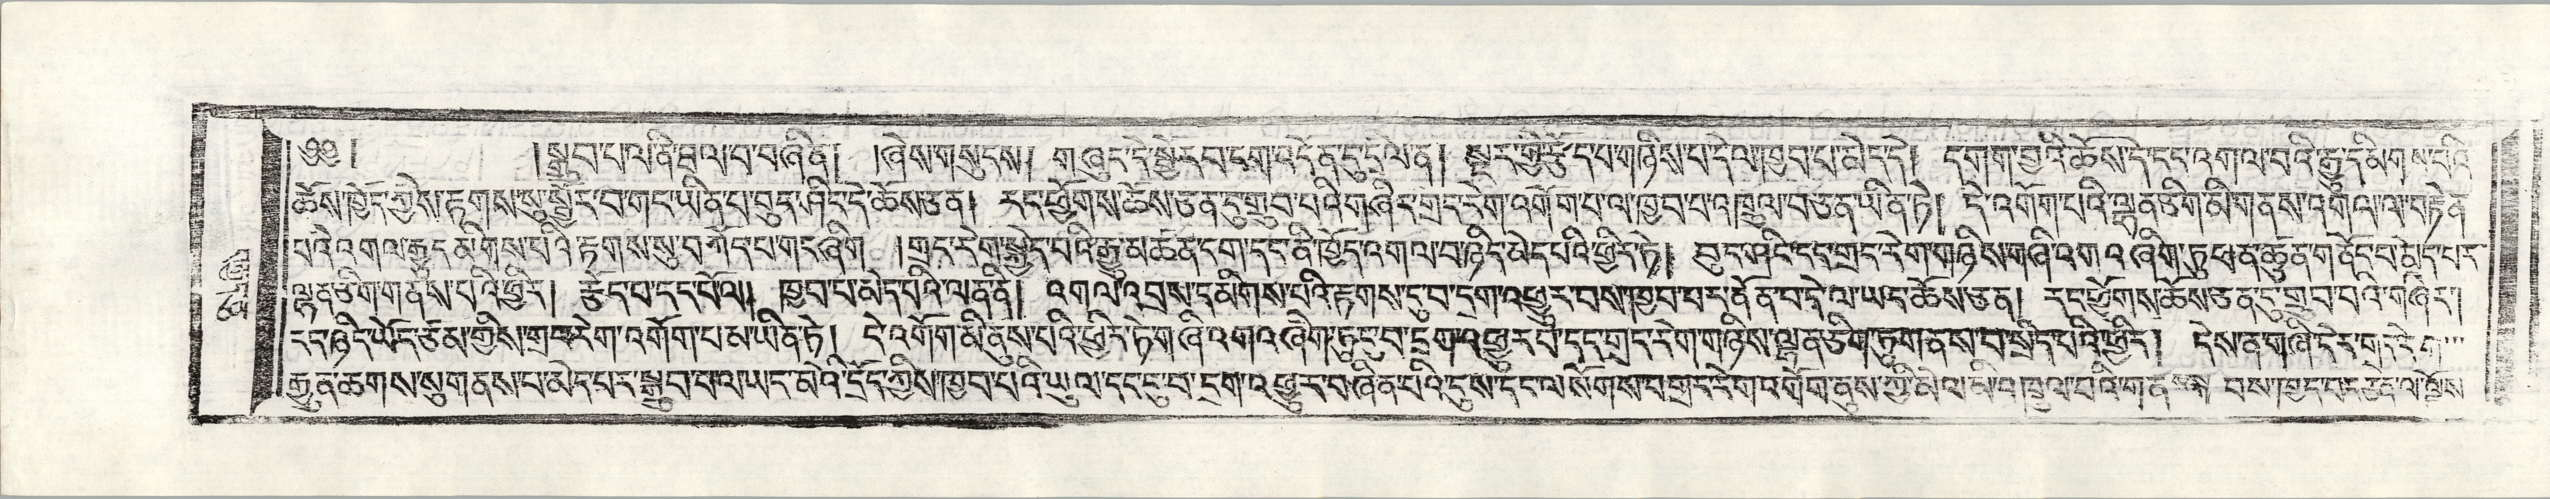༄༅། །སྒྲུབ་པ་ལ་ནི་ཐལ་བ་བཞིན། །ཞེས་གསུངས། གཞུང་དེ་སྦྱོར་བ་ངག་འདོན་དུ་དྲིལ་ན། སྔར་གྱི་རྩོད་པ་གཉིས་པ་དེ་ལ་ཁྱབ་པ་མེད་དེ། དགག་བྱའི་ཆོས་དེ་དང་འགལ་བའི་རྒྱུ་དམིགས་པའི་
ཆོས་ཁྱོད་ཀྱིས་རྟགས་སུ་སྦྱོར་བ་གང་ཡིན་པ་བུད་ཤིང་དེ་ཆོས་ཅན། རང་ཕྱོགས་ཆོས་ཅན་དུ་གྲུབ་པའི་གཞིར་གྲང་རེག་འགོག་པ་ལ་ཁྱབ་པ་འཁྲུལ་བ་ཅན་ཡིན་ཏེ། དེ་འགོག་པའི་ལྷན་ཅིག་མི་གནས་འགལ་ལ་བརྟེན་
པའི་འགལ་རྒྱུ་དམིགས་པའི་རྟགས་སུ་བཀོད་པ་གང་ཞིག །གྲང་རེག་སྐྱེད་པའི་རྒྱུ་མཚན་དག་དང་ནི་ཁྱོད་འགལ་བ་ཉིད་མེད་པའི་ཕྱིར་ཏེ། བུད་ཤིང་དང་གྲང་རེག་གཉིས་གཞི་འགའ་ཞིག་ཏུ་ཕན་ཚུན་གནོད་པ་མེད་པར་
ལྷན་ཅིག་གནས་པའི་ཕྱིར། རྩོད་པ་དང་པོ་ལ། ཁྱབ་པ་མེད་པའི་ལན་ནི། འགལ་འབྲས་དམིགས་པའི་རྟགས་དུ་བ་དྲག་འཕྱུར་བས་ཁྱབ་པར་ནོན་པ་དེ་ལ་ཡང་ཆོས་ཅན། རང་ཕྱོགས་ཆོས་ཅན་དུ་གྲུབ་པའི་གཞིར།
རང་ཉིད་ཡོད་ཙམ་གྱིས་གྲང་རེག་འགོག་པ་མ་ཡིན་ཏེ། དེ་འགོག་མི་ནུས་པའི་ཕྱིར་ཏེ་གཞི་འགའ་ཞིག་ཏུ་དུ་བ་དྲག་འཕྱུར་བ་དང་གྲང་རེག་གཉིས་ལྷན་ཅིག་ཏུ་གནས་པ་སྲིད་པའི་ཕྱིར། དེས་ན་གཞི་དེར་གྲང་རེག་
རྒྱུན་ཆགས་སུ་གནས་པ་མེད་པར་སྒྲུབ་པ་ལ་ཡང་མེའི་དྲོད་ཀྱིས་ཁྱབ་པའི་ཡུལ་དང་དུ་བ་དྲག་འཕྱུར་བཞིན་པའི་དུས་ལ་སོགས་པ་གྲང་རེག་འགོག་ནུས་ཀྱི་མེ་ལ་མི་འཁྲུལ་བའི་གནས་སྐབས་ཁྱབ་པར་ཙམ་ལ་ལྟོས་